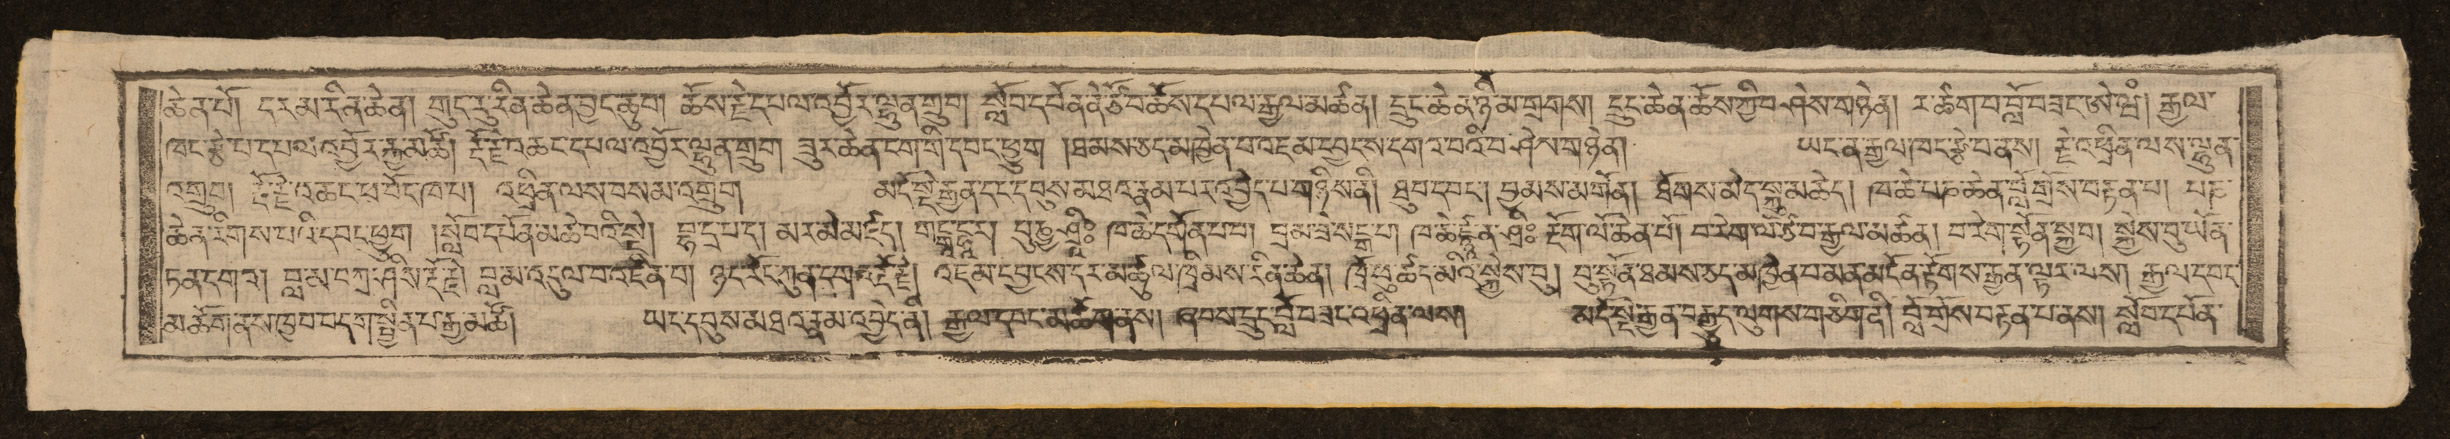ཆེན་པོ། དར་མ་རིན་ཆེན། གུད་རུ་རིན་ཆེན་བྱང་ཆུབ། ཆོས་རྗེ་དཔལ་འབྱོར་ལྷུན་གྲུབ། སློབ་དཔོན་ནེ་ཙོ་བ་ཆོས་དཔལ་རྒྱལ་མཚན། དྲུང་ཆེན་ཉི་མ་གྲགས། དྲུང་ཆེན་ཆོས་ཀྱི་བཤེས་གཉེན། བ་ཚོག་པ་བློ་བཟང་ཨེ་ཝཾ། རྒྱལ་
ཁང་རྩེ་པ་དཔལ་འབྱོར་རྒྱ་མཚོ། རྡོ་རྗེ་འཆང་དཔལ་འབྱོར་ལྷུན་གྲུབ། ཟུར་ཆེན་ངག་གི་དབང་ཕྱུག །ཐམས་ཅད་མཁྱེན་པ་འཇམ་དབྱངས་དགའ་བའི་བཤེས་གཉེན། ཡང་ན་རྒྱལ་ཁང་རྩེ་པ་ནས། རྗེ་འཕྲིན་ལས་ལྷུན་
འགྲུབ། རྡོ་རྗེ་འཆང་ཕ་བོང་ཁ་པ། འཕྲིན་ལས་བསམ་འགྲུབ། མདོ་སྡེ་རྒྱན་དང་དབུས་མཐའ་རྣམ་པར་འབྱེད་པ་གཉིས་ནི། ཐུབ་དབང་། བྱམས་མགོན། ཐོགས་མེད་སྐུ་མཆེད། ཁ་ཆེ་པཎ་ཆེན་བློ་གྲོས་བརྟན་པ། པཎ་
ཆེན་རིགས་པའི་དབང་ཕྱུག །སློབ་དཔོན་མཆེ་པའི་སྡེ། བྷ་དྲ་པ་ད། མར་མེ་མཛད། གངྒཱ་དྷཱ་ར། བུ་ནྱ་ཤཱཨིཿ ཁ་ཆེ་དགོན་པ་བ། བྲམ་ཟེ་སྔག་པ། ཁ་ཆེ་ཛྙཱ་ན་ཤྲཱིཿ རྡོག་ལོ་ཆེན་པོ། བ་རེག་ལོ་ཙམ་བརྒྱལ་མཚན། བ་རེག་སྟོན་སྒྲུབ། སྐྱེས་བུ་ཡོན་
ཏན་དགའ། བླ་མ་བཀྲ་ཤིས་རྡོ་རྗེ། བླ་མ་འདུལ་བ་འཛིན་པ། ཉང་རོང་ཀུན་དགའ་རྡོ་རྗེ། འཇམ་དབྱངས་དར་མ་ཚུལ་ཁྲིམས་རིན་ཆེན། ཁྲོ་ཕུ་ཚད་མའི་སྐྱེས་བུ། བུ་སྟོན་ཐམས་ཅད་མཁྱེན་པ་མན་མངོན་རྟོགས་རྒྱན་ལྟར་ལས། རྒྱལ་དབང་
མཆོག་ནས་ཁྱབ་བདག་སྦྱིན་པ་རྒྱ་མཚོ། ཡང་དབུས་མཐའ་རྣམ་འབྱེད་ནི། རྒྱལ་དབང་མཆོག་ནས། ཞབས་དྲུང་བློ་བཟང་འཕྲིན་ལས། མདེ་སྡེ་རྒྱན་བརྒྱུད་ལུགས་གཅིག་ནི། བློ་གྲོས་བརྟན་པ་ནས། སློབ་དཔོན་